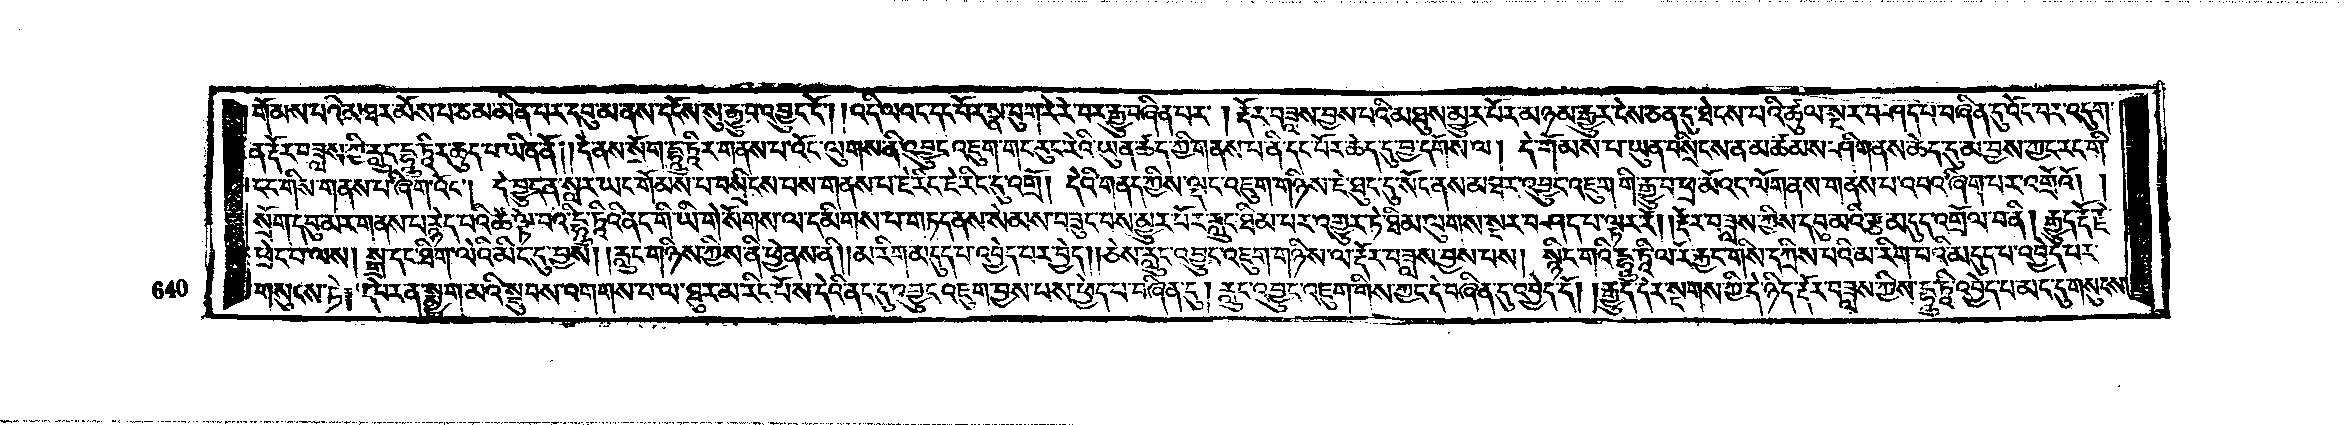གོམས་པའི་མཐར་མོས་པ་ཙམ་མིན་པར་དབུ་མ་ནས་དངོས་སུ་རྒྱུ་བ་འབྱུང་ངོ། །འདི་ལའང་དང་པོར་སྣ་བུག་རེ་རེ་བར་རྒྱུ་བཞིན་པར། རྡོར་བཟླས་བྱས་པའི་མཐུས་མྱུར་པོར་མཉམ་རྒྱུར་ངེས་ཅན་དུ་ཐེངས་པའི་ཚུལ་སྔར་བཤད་པ་བཞིན་དུ་འོང་བར་འདུག་
ན་རྡོར་བཟླས་ཀྱི་རླུང་དྷཱུ་ཏཱིར་ཆུད་པ་ཡིན་ནོ། །དེ་ནས་སྲོག་དྷཱུ་ཏཱིར་གནས་པ་འོང་ལུགས་ནི་འབྱུང་འཇུག་གང་རུང་རེའི་ཡུན་ཚད་ཀྱི་གནས་པ་ནི་དང་པོར་ཆེད་དུ་བྱ་དགོས་ལ། དེ་གོམས་པ་ཡུན་བསྲིངས་ན་མཚམས་ཤིག་ནས་ཆེད་དུ་མ་བྱས་ཀྱང་རང་གི་
རང་གིས་གནས་པ་ཞིག་འོང་། དེ་བྱུང་ན་སླར་ཡང་གོམས་པ་བསྲིངས་པས་གནས་པ་ཇེ་རིང་ཇེ་རིང་དུ་འགྲོ། དེའི་གནད་ཀྱིས་ལྡང་འཇུག་གཉིས་ཇེ་ཐུང་དུ་སོང་ནས་མཐར་འབྱུང་འཇུག་གི་རྒྱུ་བ་ཕྲ་མོའང་ལོག་ནས་གནས་པ་འབའ་ཞིག་པར་འགྲོའོ། །
སྲོག་དབུ་མར་གནས་པ་རྙེད་པའི་ཚེ་ལྟེ་བའི་དྷཱུ་ཏཱིའི་ནང་གི་ཡི་གེ་སོགས་ལ་དམིགས་པ་གཏད་ནས་སེམས་བཟུང་བས་མྱུར་པོར་རླུང་ཐིམ་པར་འགྱུར་ཏེ་ཐིམ་ལུགས་སྔར་བཤད་པ་ལྟར་རོ། །རྡོར་བཟླས་ཀྱིས་དབུ་མའི་རྩ་མདུད་འགྲོལ་བ་ནི། རྒྱུད་རྡོ་རྗེ་
ཕྲེང་བ་ལས། སྒྲ་དང་ཐིག་ལེའི་མིང་དུ་བྱས། །རླུང་གཉིས་ཀྱིས་ནི་ཕྱེ་ནས་ནི། །མ་རིག་མདུད་པ་འབྱེད་པར་བྱེད། །ཅེས་རླུང་འབྱུང་འཇུག་གཉིས་ལ་རྡོར་བཟླས་བྱས་པས། སྙིང་གའི་དྷཱུ་ཏཱི་ལ་རོ་རྐྱང་གིས་དཀྲིས་པའི་མ་རིག་པའི་མདུད་པ་འབྱེད་པར་
གསུངས་ཏེ། དཔེར་ན་སྨྱུག་མའི་སྦུབས་འགགས་པ་ལ་ཐུར་མ་རིང་པོས་དེའི་ནང་དུ་འབྱུང་འཇུག་བྱས་པས་ཕྱེད་པ་བཞིན་དུ། རླུང་འབྱུང་འཇུག་གིས་ཀྱང་དེ་བཞིན་དུ་འབྱེད་དོ། །རྒྱུད་དེར་སྔགས་ཀྱི་དེ་ཉིད་རྡོར་བཟླས་ཀྱིས་དྷཱུ་ཏཱི་འབྱེད་པ་མང་དུ་གསུངས་